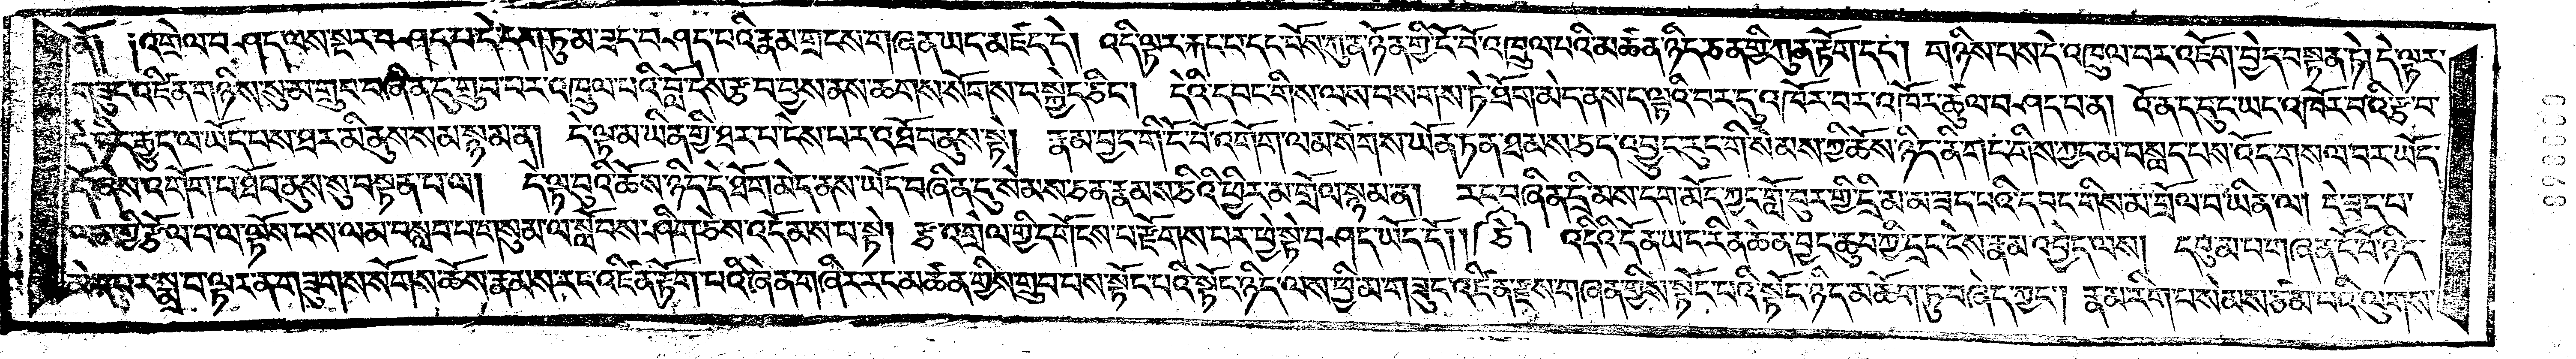ནོ༑ ༑འགྲེལ་བཤད་ལས་སྔར་བཤད་པ་དེ་དག་ཏུ་མ་ཟད་བཤད་པའི་རྣམ་གྲངས་གཞན་ཡང་མཛད་དེ། འདི་ལྟར་རྐང་པ་དང་པོས་ཀུན་ཉོན་གྱི་ངོ་བོ་འཁྲུལ་པའི་མཚན་ཉིད་ཅན་གྱི་ཀུན་རྟོག་དང་། གཉིས་པས་དེ་འཁྲུལ་པར་འཇོག་བྱེད་བསྟན་ཏེ། དེ་ལྟར་
གཟུང་འཛིན་གཉིས་སུ་མ་གྲུབ་བཞིན་དུ་གྲུབ་པར་འཁྲུལ་པའི་བློ་དེས་རྩ་བ་བྱས་ནས་ཆགས་སོགས་བསྐྱེད་ཅིང་། དེའི་དབང་གིས་ལས་བསགས་ཏེ་ཐོག་མེད་ནས་ད་ལྟའི་བར་དུ་འཁོར་བར་འཁོར་ཚུལ་བཤད་པ་ན། འོ་ན་ད་དུང་ཡང་འཁོར་བའི་རྩ་བ་
དེ་ཉིད་རྒྱུད་ལ་ཡོད་པས་ཐར་མི་ནུས་སམ་སྙམ་ན། དེ་ལྟ་མ་ཡིན་གྱི་ཐར་པ་ངེས་པར་འཐོབ་ནུས་ཏེ། རྣམ་བྱང་གི་ངོ་བོ་འགོག་ལམ་སོགས་ཡོན་ཏན་ཐམས་ཅད་འབྱུང་རུང་གི་སེམས་ཀྱི་ཆོས་ཉིད་ནི་གང་གིས་ཀྱང་མ་བསླད་པས་འོད་གསལ་བར་ཡོད་
དོ་ཞེས་འགོག་པ་ཐོབ་ནུས་སུ་བསྟན་པ་ལ། དེ་ལྟ་བུའི་ཆོས་ཉིད་དེ་ཐོག་མེད་ནས་ཡོད་བཞིན་དུ་སེམས་ཅན་རྣམས་ཅིའི་ཕྱིར་མ་གྲོལ་སྙམ་ན། རང་བཞིན་དྲི་མས་དག་མོད་ཀྱང་གློ་བུར་གྱི་དྲི་མ་མ་ཟད་པའི་དབང་གིས་མ་གྲོལ་བ་ཡིན་ལ། དེ་ཟད་པ་
ལམ་གྱི་རྩོལ་བ་ལ་ལྟོས་པས་ལམ་བསླབ་པ་གསུམ་ལ་སློབས་ཤིག་ཅེས་འདོམས་པ་སྟེ། རྩ་འགྲེལ་གྱི་དགོངས་པ་རྫོགས་པར་ཕྱེ་སྟེ་བཤད་ཡོད་དོ། །༼ཅེ༽ འདིའི་དོན་ཡང་རིན་ཆེན་བྱང་ཆུབ་ཀྱི་དྲང་ངེས་རྣམ་འབྱེད་ལས། དབུ་མ་པ་གཞན་ངོ་བོ་ཉིད་
མེད་པར་སྨྲ་བ་ལྟར་ན་གཟུགས་སོགས་ཆོས་རྣམས་རང་འཛིན་རྟོག་པའི་ཞེན་གཞིར་རང་མཚན་གྱིས་གྲུབ་པས་སྟོང་པའི་སྟོང་ཉིད་ལས་ཕྱི་མ་གཟུང་འཛིན་རྫས་གཞན་གྱིས་སྟོང་པའི་སྟོང་ཉིད་མཆོག་ཏུ་བཞེད་ཀྱང་། རྣམ་རིག་པ་སེམས་ཙམ་པའི་ལུགས་